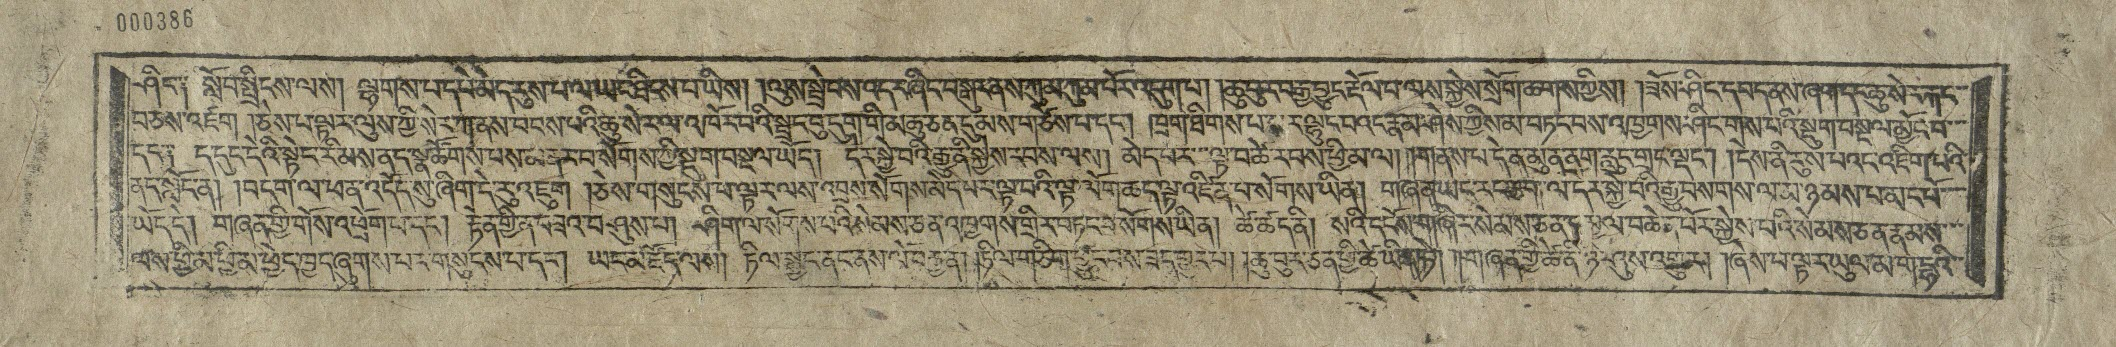ཤིང༑ སློབ་སྤྲིངས་ལས། ལྷགས་པ་དཔེ་མེད་རུས་པ་ལ་ཡང་ཐིངས་པ་ཡིས། །ལུས་སྦྲེབས་འདར་ཞིང་བསྒུར་ནས་ཀུམ་ཀུམ་པོར་འདུག་པ། །ཆུ་བུར་བརྒྱ་བྱུང་རྡོལ་བ་ལས་སྐྱེས་སྲོག་ཆགས་ཀྱིས། །ཟོས་ཤིང་དབད་ནས་ཞག་དང་ཆུ་སེར་རྐང་
བཅས་འཛག །ཅེས་པ་ལྟར་ལུས་ཀྱི་སེར་ཀ་ནས་བབས་པའི་ཆུ་སེར་ལ་འཁོར་བའི་སྦྲང་བུ་དུག་གི་མཆུ་ཅན་དུ་མས་གཙེས་པ་དང་། ཁྲག་ཐིགས་པ་སར་ལྷུང་བའང་རྣམ་ཤེས་ཀྱིས་མ་བཏང་བས་འཁྱགས་ཤིང་གས་པའི་སྡུག་བསྔལ་མྱོང་བ་
དང༑ ད་དུང་དེའི་སྟེང་རིམས་ནད་སྣ་ཚོགས་པས་མནར་བ་སོགས་ཀྱི་སྡུག་བསྔལ་ཡོད། དེར་སྐྱེ་བའི་རྒྱུ་ནི་སྐྱེས་རབས་ལས། མེད་པར་ལྟ་བ་ཚེ་རབས་ཕྱི་མ་ལ། །གནས་པ་དེ་ན་མུན་ནག་རླུང་གྲང་ལྡང་། །དེས་ནི་རུས་པའང་འཇིག་པའི་
ནད་སློང་ན། །བདག་ལ་ཕན་འདོད་སུ་ཞིག་དེ་རུ་འཇུག །ཅེས་གསུངས་པ་ལྟར་ལས་འབྲས་སོགས་མེད་པར་ལྟ་བའི་ལྟ་ལོག་ཆད་ལྟ་འཛིན་པ་སོགས་ཡིན། གཞན་ཡང་རང་ཅག་ལ་དེར་སྐྱེ་བའི་རྒྱུ་བས་གས་ལ་མ་ཉམས་པ་མང་པོ་
ཡོད་དེ། གཞན་གྱི་གོས་འཕྲོག་པ་དང་། རྟེན་གྱི་ན་བཟའ་བཤུས་པ། ཤིག་ལ་སོགས་པའི་སེམས་ཅན་འཁྱགས་གྲིར་བཏང་བ་སོགས་ཡིན། ཚེ་ཚད་ནི། སའི་དངོས་གཞིར་སེམས་ཅན་དམྱལ་བ་ཆེན་པོར་སྐྱེས་པའི་སེམས་ཅན་རྣམས་
ལས་ཕྱི་མ་ཕྱི་མ་ཕྱེད་ཁྱད་ཞུགས་པར་གསུངས་པ་དང་། ཡང་མཛོད་ལས། ཏིལ་སྦྱང་ནང་ནས་ལོ་བརྒྱ་ན། །ཏིལ་གཅིག་ཕྱུང་བས་ཟད་གྱུར་པ། །ཆུ་བུར་ཅན་གྱི་ཚེ་ཡིན་ཏེ། །གཞན་གྱི་ཚེ་ནི་ཉི་ཤུས་འགྱུར། །ཞེས་པ་ལྟར་ཡུལ་མ་ག་དྷའི་